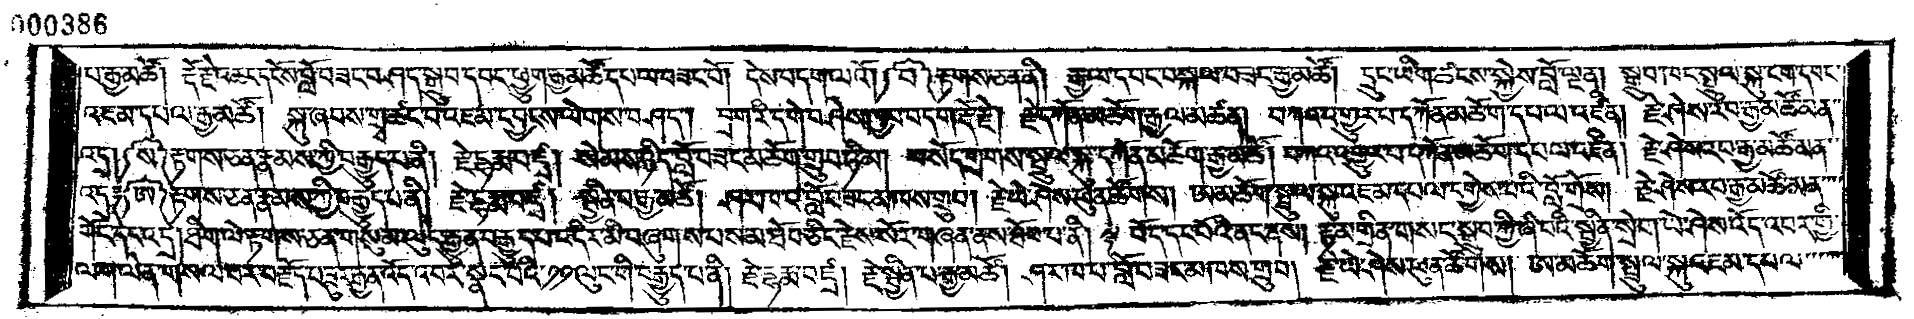པ་རྒྱ་མཚོ། རྡོ་རྗེ་འཆང་དངོས་བློ་བཟང་བཤད་སྒྲུབ་དབང་ཕྱུག་རྒྱ་མཚོ་དཔལ་བཟང་པོ། དེས་བདག་ལའོ། ༼བ༽ རྟགས་ཅན་ནི། རྒྱལ་དབང་བསྐལ་བཟང་རྒྱ་མཚོ། དྲུང་ཡིག་ཚངས་སྐྱེས་བློ་ལྡན། སྒྲུབ་ཁང་སྤྲུལ་སྐུ་ངག་དབང་
འཇམ་དཔལ་རྒྱ་མཚོ། སྐུ་ཞབས་གྲྭ་ཚང་བ་འཇམ་དབྱངས་ལེགས་བཤད། བྲག་རི་དགེ་བཤེས་ཁྱབ་བདག་རྡོ་རྗེ། རྗེ་དཀོན་མཆོག་རྒྱལ་མཚན། བཀའ་འགྱུར་བ་དཀོན་མཆོག་དཔལ་འཛིན། རྗེ་ཤེས་རབ་རྒྱ་མཚོ་མན་
འདྲ། ༼ས༽ རྟགས་ཅན་རྣམས་ཀྱི་བརྒྱུད་པ་ནི། རྗེ་དྷརྨ་བཛྲ། སེམས་ཉིད་བློ་བཟང་མཆོག་གྲུབ་ཉི་མ། བསོད་གྲགས་སྤྲུལ་སྐུ་དཀོན་མཆོག་རྒྱ་མཚོ། བཀའ་འགྱུར་པ་དཀོན་མཆོག་དཔལ་འཛིན། རྗེ་ཤེས་རབ་རྒྱ་མཚོ་མན་
འདྲ༑ ༼ཨ༽ རྟགས་ཅན་རྣམས་ཀྱི་བརྒྱུད་པ་ནི། རྗེ་དྷརྨ་བཛྲ། སྦྱིན་པ་རྒྱ་མཚོ། ཤར་ཁ་པ་བློ་བཟང་མཁས་གྲུབ། རྗེ་ཡེ་ཤེས་ཕུན་ཚོགས། ཨ་མཆོག་སྤྲུལ་སྐུ་འཇམ་དཔལ་དགྱེས་པའི་བློ་གྲོས། རྗེ་ཤེས་རབ་རྒྱ་མཚོ་མན་
གོང་དང་འདྲ། ཐིག་ལེ་རྟགས་ཅན་གསུམ་ལུང་རྒྱུན་བརྒྱུད་པ་འདིར་མི་བཞུགས་པས་མ་ཐོབ་ཅིང་རྗེས་སོར་གཞན་ནས་ཐོབ་པ་ནི། ༈ བོད་དང་པོའི་ནང་ནས། རྟ་མགྲིན་གསང་སྒྲུབ་ཀྱི་ཞི་བའི་སྦྱིན་སྲེག་ཡེ་ཤེས་འོད་འབར་གྱི་
ལག་ལེན་གསལ་བར་བརྗོད་བཟུར་རྒྱན་འོད་འབར་སྣང་བའི ༡༡་ལུང་གི་བརྒྱུད་པ་ནི། རྗེ་དྷརྨ་བཛྲ། རྗེ་སྦྱིན་པ་རྒྱ་མཚོ། ཤར་ཁ་པ་བློ་བཟང་མཁས་གྲུབ། རྗེ་ཡེ་ཤེས་ཕུན་ཚོགས། ཨ་མཆོག་སྤྲུལ་སྐུ་འཇམ་དཔལ་